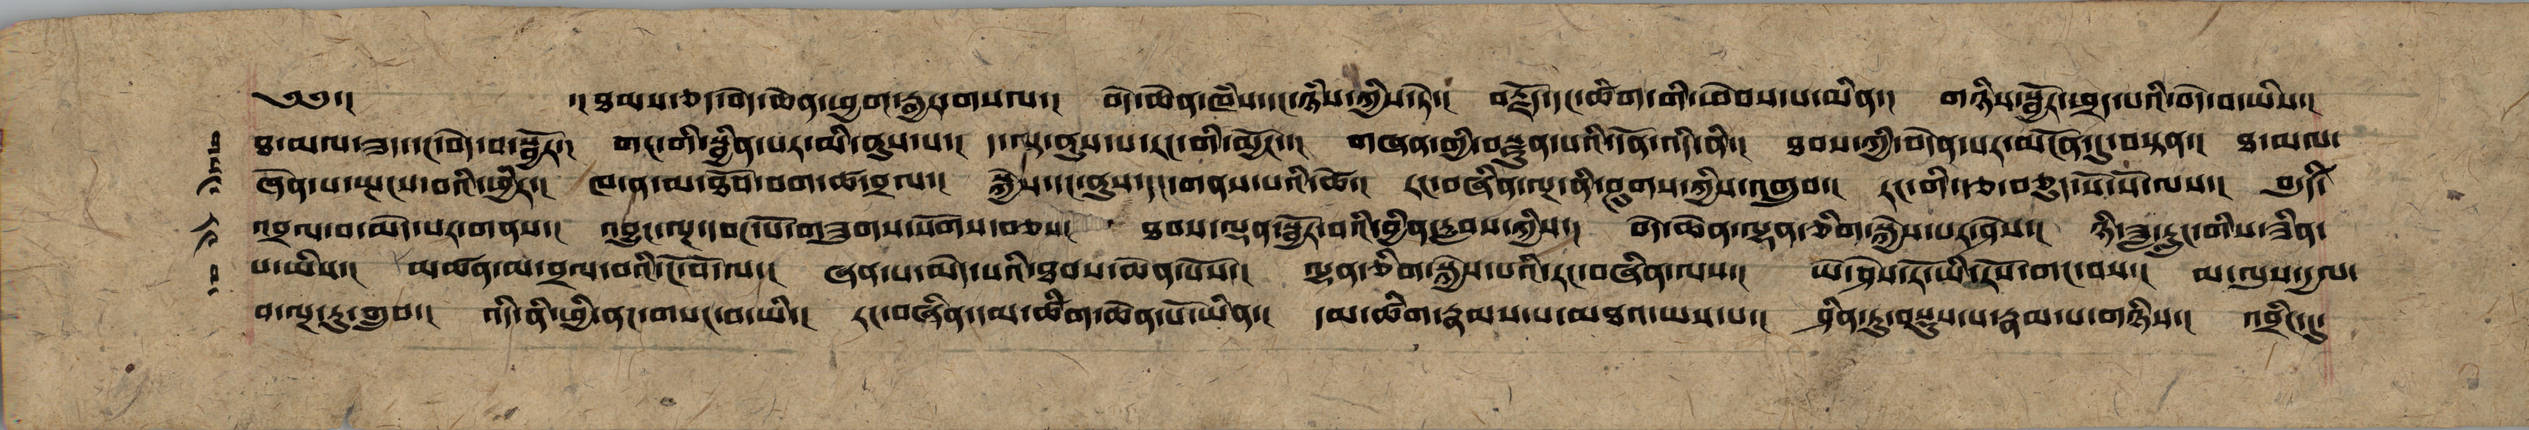༄༅་། ་།ཐམས་ཅད་བདེ་ཆེན་ཕྱག་རྒྱར་གསལ་། བདེ་ཆེན་ཁཾས་དང་ཉཾས་ཀྱིས་ཏེ་། བརྗོད་དང་ཚིག་གི་ཕེབས་པ་མིན་། གཉིས་སྦྱོར་ཕྲད་པའི་བདེ་བ་ཡིས་།
ཐ་མལ་ཟད་དང་བདེ་བ་སྦྱོར་། གང་གི་སྦྱིན་པར་མི་ནུས་པ་། ད་ལྟ་ནུས་པ་རང་གི་མྱོང་་། གཞན་གྱི་བསྣུན་པའི་དོན་འདི་ནི་། ཐབས་ཀྱི་བདེན་པར་མངོན་དུ་བསྟན་། ཐ་མལ་
ཞཽན་པ་སྤངས་བའི་ཕྱིར་། ཁ་ན་མ་ཐོབ་བག་ཚ་བྲལ་། སྐྱེས་དང་ནུས་དང་གནས་པའི་ཚེ་། རང་བཞིན་ལྔ་ནི་ཤུགས་ཀྱིས་འགྲུབ་། རང་གི་རྩ་བཅུད་སོ་སོ་ལས་། བདུདཙི་
འབྲལ་བ་མེད་པར་གནས་། འབྱུང་ལྔ་དབང་པོ་གཟུགས་སོགས་བཅས། ཐབས་ལྡན་སྦྱོར་བའི་བྱིན་རླབས་ཀྱིས་། བདེ་ཆེན་ལྷན་ཅིག་སྐྱེས་པར་ཤེས་། ཉི་ཟླ་རླུང་གིས་ཟིན་
པ་ཡིས་། མཚན་མ་བྲལ་བའི་ངོ་བོ་ལ་། ཞན་པ་མེད་པའི་ཐབས་ཆེན་པོས་། ལྷན་ཅིག་སྐྱེས་པའི་རང་བཞིན་ལས་། ཡེ་ཤེས་རོ་ཡི་རོས་གང་བས་། མ་ལུས་དྱལ་
བ་ལྔ་རུ་གྲུབ་། འདི་ནི་ཕྱི་ནང་གསང་བ་ཡི་། རང་བཞིན་དམ་ཚིག་ཆེན་པོ་ཡིན་། དམ་ཚིག་རྣམས་པ་མཐའ་ཡས་པ་། ཤིན་ཏུ་བསྡུས་པ་རྣམ་པ་གཉིས་། འབྲིང་དུ་